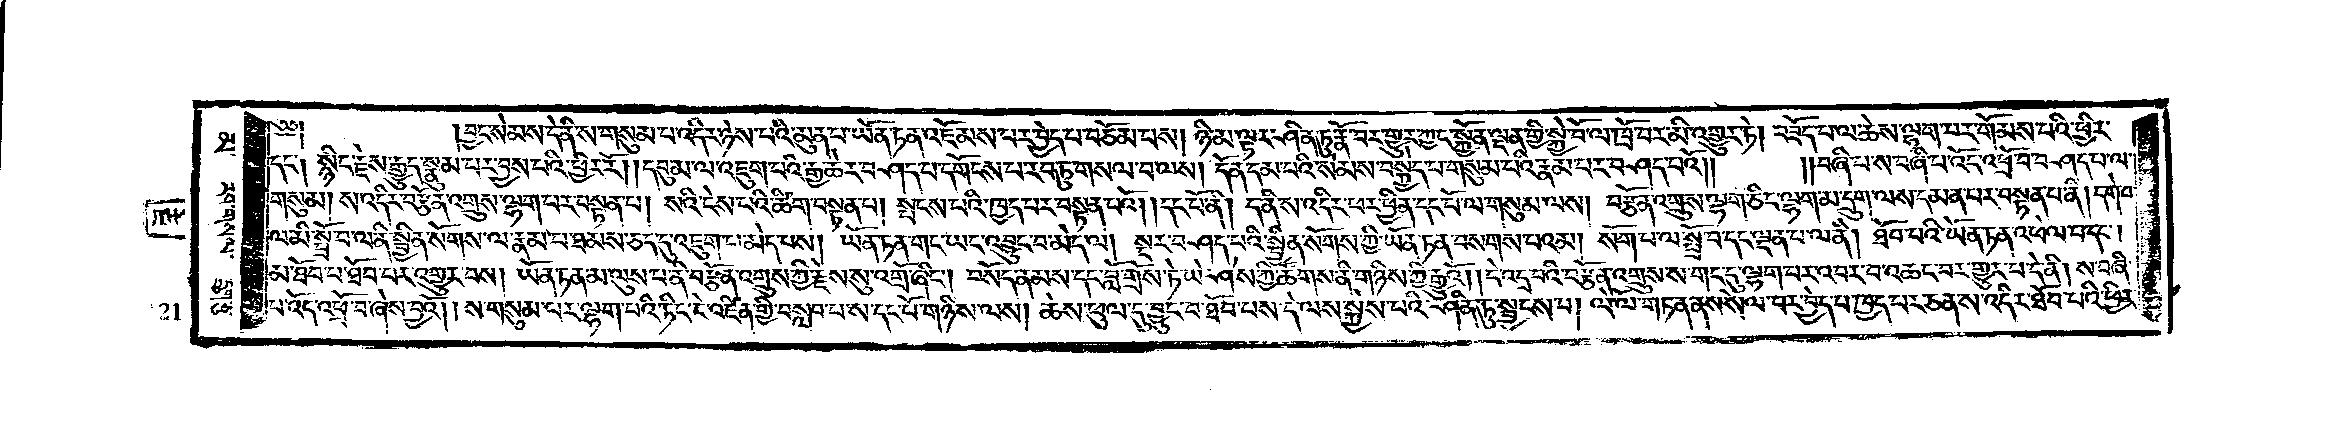༄༅། །བྱང་སེམས་དེ་ནི་ས་གསུམ་པ་འདིར་ཉེས་པའི་མུན་པ་ཡོན་ཏན་འཇོམས་པར་བྱེད་པ་བཅོམ་པས། ཉི་མ་ལྟར་ཤིན་ཏུ་རྣོ་བར་གྱུར་ཀྱང་སྐྱོན་ལྡན་གྱི་སྐྱེ་བོ་ལ་ཁྲོ་བར་མི་འགྱུར་ཏེ། བཟོད་པ་ལ་ཆེས་ལྷག་པར་གོམས་པའི་ཕྱིར་
དང་། སྙིང་རྗེས་རྒྱུད་སྣུམ་པར་བྱས་པའི་ཕྱིར་རོ། །དབུ་མ་ལ་འཇུག་པའི་རྒྱ་ཆེར་བཤད་པ་དགོངས་པ་རབ་ཏུ་གསལ་བ་ལས། དོན་དམ་པའི་སེམས་བསྐྱེད་པ་གསུམ་པའི་རྣམ་པར་བཤད་པའོ།། ༈ །།བཞི་པ། ས་བཞི་པ་འོད་འཕྲོ་བ་བཤད་པ་ལ་
གསུམ། ས་འདིར་བརྩོན་འགྲུས་ལྷག་པར་བསྟན་པ། སའི་ངེས་པའི་ཚིག་བསྟན་པ། སྤངས་པའི་ཁྱད་པར་བསྟན་པའོ། །དང་པོ་ནི། དེ་ནི་ས་འདིར་ཕར་ཕྱིན་དང་པོ་གསུམ་ལས། བརྩོན་འགྲུས་ལྷག་ཅིང་ལྷག་མ་དྲུག་ལས་དམན་པར་བསྟན་པ་ནི། དགེ་བ་
ལ་མི་སྤྲོ་བ་ལ་ནི་སྦྱིན་སོགས་ལ་རྣམ་པ་ཐམས་ཅད་དུ་འཇུག་པ་མེད་པས། ཡོན་ཏན་གང་ཡང་འབྱུང་བ་མེད་ལ། སྔར་བཤད་པའི་སྦྱིན་སོགས་ཀྱི་ཡོན་ཏན་བསགས་པའམ། སོག་པ་ལ་སྤྲོ་བ་དང་ལྡན་པ་ལ་ནི། ཐོབ་པའི་ཡོན་ཏན་འཕེལ་བ་དང་།
མ་ཐོབ་པ་ཐོབ་པར་འགྱུར་བས། ཡོན་ཏན་མ་ལུས་པ་ནི་བརྩོན་འགྲུས་ཀྱི་རྗེས་སུ་འགྲོ་ཞིང་། བསོད་ནམས་དང་བློ་གྲོས་ཏེ་ཡེ་ཤེས་ཀྱི་ཚོགས་ནི་གཉིས་ཀྱི་རྒྱུའོ། །དེ་འདྲ་བའི་བརྩོན་འགྲུས་ས་གང་དུ་ལྷག་པར་འབར་བ་འཆང་བར་གྱུར་པ་དེ་ནི། ས་བཞི་
པ་འོད་འཕྲོ་བ་ཞེས་བྱའོ། །ས་གསུམ་པར་ལྷག་པའི་ཏིང་ངེ་འཛིན་གྱི་བསླབ་པ་ས་དང་པོ་གཉིས་ལས། ཆེས་ཕུལ་དུ་བྱུང་བ་ཐོབ་པས་དེ་ལས་སྐྱེས་པའི་ཤིན་ཏུ་སྦྱངས་པ། ལེ་ལོ་གཏན་ནས་སེལ་བར་བྱེད་པ་ཁྱད་པར་ཅན་ས་འདིར་ཐོབ་པའི་ཕྱིར་